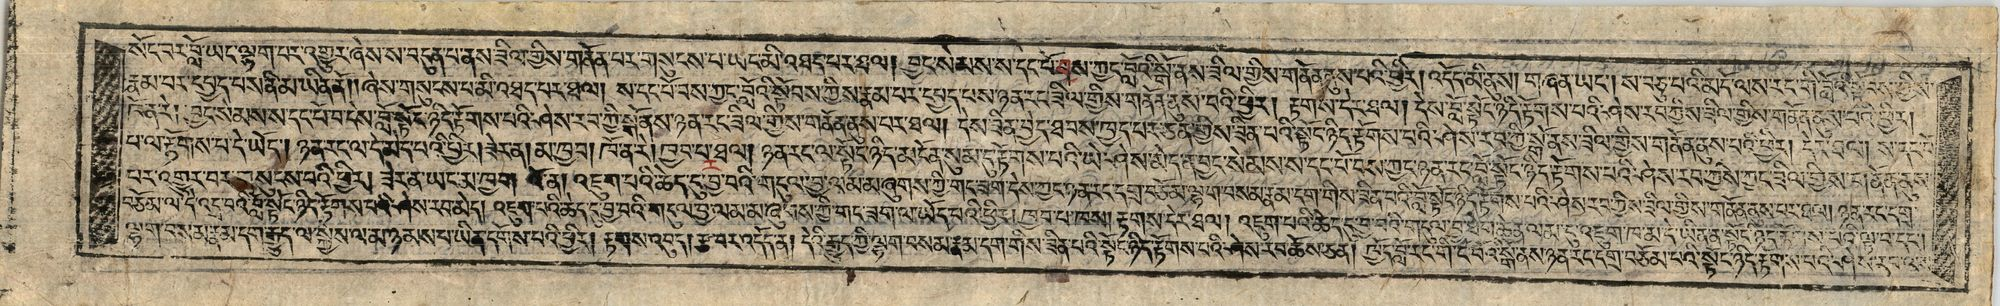སོང་བར་བློ་ཡང་ལྷག་པར་འགྱུར་ཞེས་ས་བདུན་པ་ནས་ཟིལ་གྱིས་གནོན་པར་གསུངས་པ་ཡང་མི་འཐད་པར་ཐལ། བྱང་སེམས་ས་དང་པོ་བས་ཀྱང་བློའི་སྒོ་ནས་ཟིལ་གྱིས་གནོན་ནུས་པའི་ཕྱིར། འདོད་མི་ནུས། གཞན་ཡང་། ས་བཅུ་པའི་མདོ་ལས་རང་གི་བློའི་སྟོབས་ཀྱིས་
རྣམ་པར་དཔྱད་པས་ནི་མ་ཡིན་ནོ། །ཞེས་གསུངས་པ་མི་འཐད་པར་ཐལ། ས་དང་པོ་བས་ཀྱང་བློའི་སྟོངྶྐྱིས་རྣམ་པར་དཔྱད་པས་ཉན་རང་ཟིལ་གྱིས་གནོན་ནུས་པའི་ཕྱིར། རྟགས་དེར་ཐལ། དེས་བློ་སྟོང་ཉིད་རྟོགས་པའི་ཤེས་རབ་ཀྱིས་ཟིལ་གྱིས་གནོན་ནུས་པའི་ཕྱིར།
ཁོ་ན་རེ། བྱང་སེམས་ས་དང་པོ་བ་དེས་བློ་སྟོང་ཉིད་རྟོགས་པའི་ཤེས་རབ་ཀྱི་སྒོ་ནས་ཉན་རང་ཟིལ་གྱིས་གནོན་ནུས་པར་ཐལ། དེས་ཟིན་བྱེད་ཐབས་ཁྱད་པར་ཅན་གྱིས་ཟིན་པའི་སྟོང་ཉིད་རྟོགས་པའི་ཤེས་རབ་ཀྱི་སྒོ་ནས་ཟིལ་གྱིས་གནོན་ནུས་པའི་ཕྱིར། དེར་ཐལ། ས་དང་པོ་
པ་ལ་རྟོགས་པ་དེ་ཡོད། ཉན་རང་ལ་དེ་མེད་པའི་ཕྱིར། ཟེར་ན། མ་ཁྱབ། ཁོ་ན་རེ། ཁྱབ་པར་ཐལ། ཉན་རང་ལ་སྟོང་ཉིད་མངོན་སུམ་དུ་རྟོགས་པའི་ཡེ་ཤེས་མེད་ན་བྱང་སེམས་ས་དང་པོ་བས་ཀྱང་ཉན་རང་བློ་སྟོང་ཉིད་རྟོགས་པའི་ཤེས་རབ་ཀྱིས་ཀྱང་ཟིལ་གྱིས་གནོན་ནུས་
པར་འགྱུར་བར་གསུངས་པའི་ཕྱིར། ཟེར་ན་ཡང་མ་ཁྱབ། འོ་ན། འཇུག་པའི་ཆེད་དུ་བྱ་བའི་གདུལ་བྱ་ལམ་མ་ཞུགས་ཀྱི་གང་ཟག་དེས་ཀྱང་ཉན་རང་དགྲ་བཅོམ་ལྷག་བསམ་རྣམ་དག་གིས་ཟིན་པའི་བློ་སྟོང་ཉིད་རྟོགས་པའི་ཤེས་རབ་ཀྱིས་ཟིལ་གྱིས་གནོན་ནུས་པར་ཐལ། ཉན་རང་དགྲ་
བཅོམ་ལ་དེ་འདྲ་བའི་བློ་སྟོང་ཉིད་རྟོགས་པའི་ཤེས་རབ་མེད། འཇུག་པའི་ཆེད་དུ་བྱ་བའི་གདུལ་བྱ་ལམ་མ་ཞུགས་ཀྱི་གང་ཟག་ལ་ཡོད་པའི་ཕྱིར། ཁྱབ་པ་ཁས། རྟགས་དེར་ཐལ། འཇུག་པའི་ཆེད་དུ་བྱ་བའི་གདུལ་བྱ་ཐེག་ཆེན་ལམ་དུ་འཇུག་ཁ་མ་དེ་ཡིན་ན་སྟོང་ཉིད་རྟོགས་པའི་ལྟ་བ་དང་།
ལྷག་བསམ་རྣམ་དག་རྒྱུད་ལ་སྐྱེས་ལ་མ་ཉམས་པ་ཡིན་དགོས་པའི་ཕྱིར། རྟགས་འབུད། རྩ་བར་འདོད་ན། དེའི་རྒྱུད་ཀྱི་ལྷག་བསམ་རྣམ་དག་གིས་ཟིན་པའི་སྟོང་ཉིད་རྟོགས་པའི་ཤེས་རབ་ཆོས་ཅན། ཁྱོད་བློ་རང་གི་ངོ་བོའི་སྒོ་ནས་ཉན་རང་དགྲ་བཅོམ་པའི་སྟོང་ཉིད་རྟོགས་པའི་ཤེས་རབ་ལས་